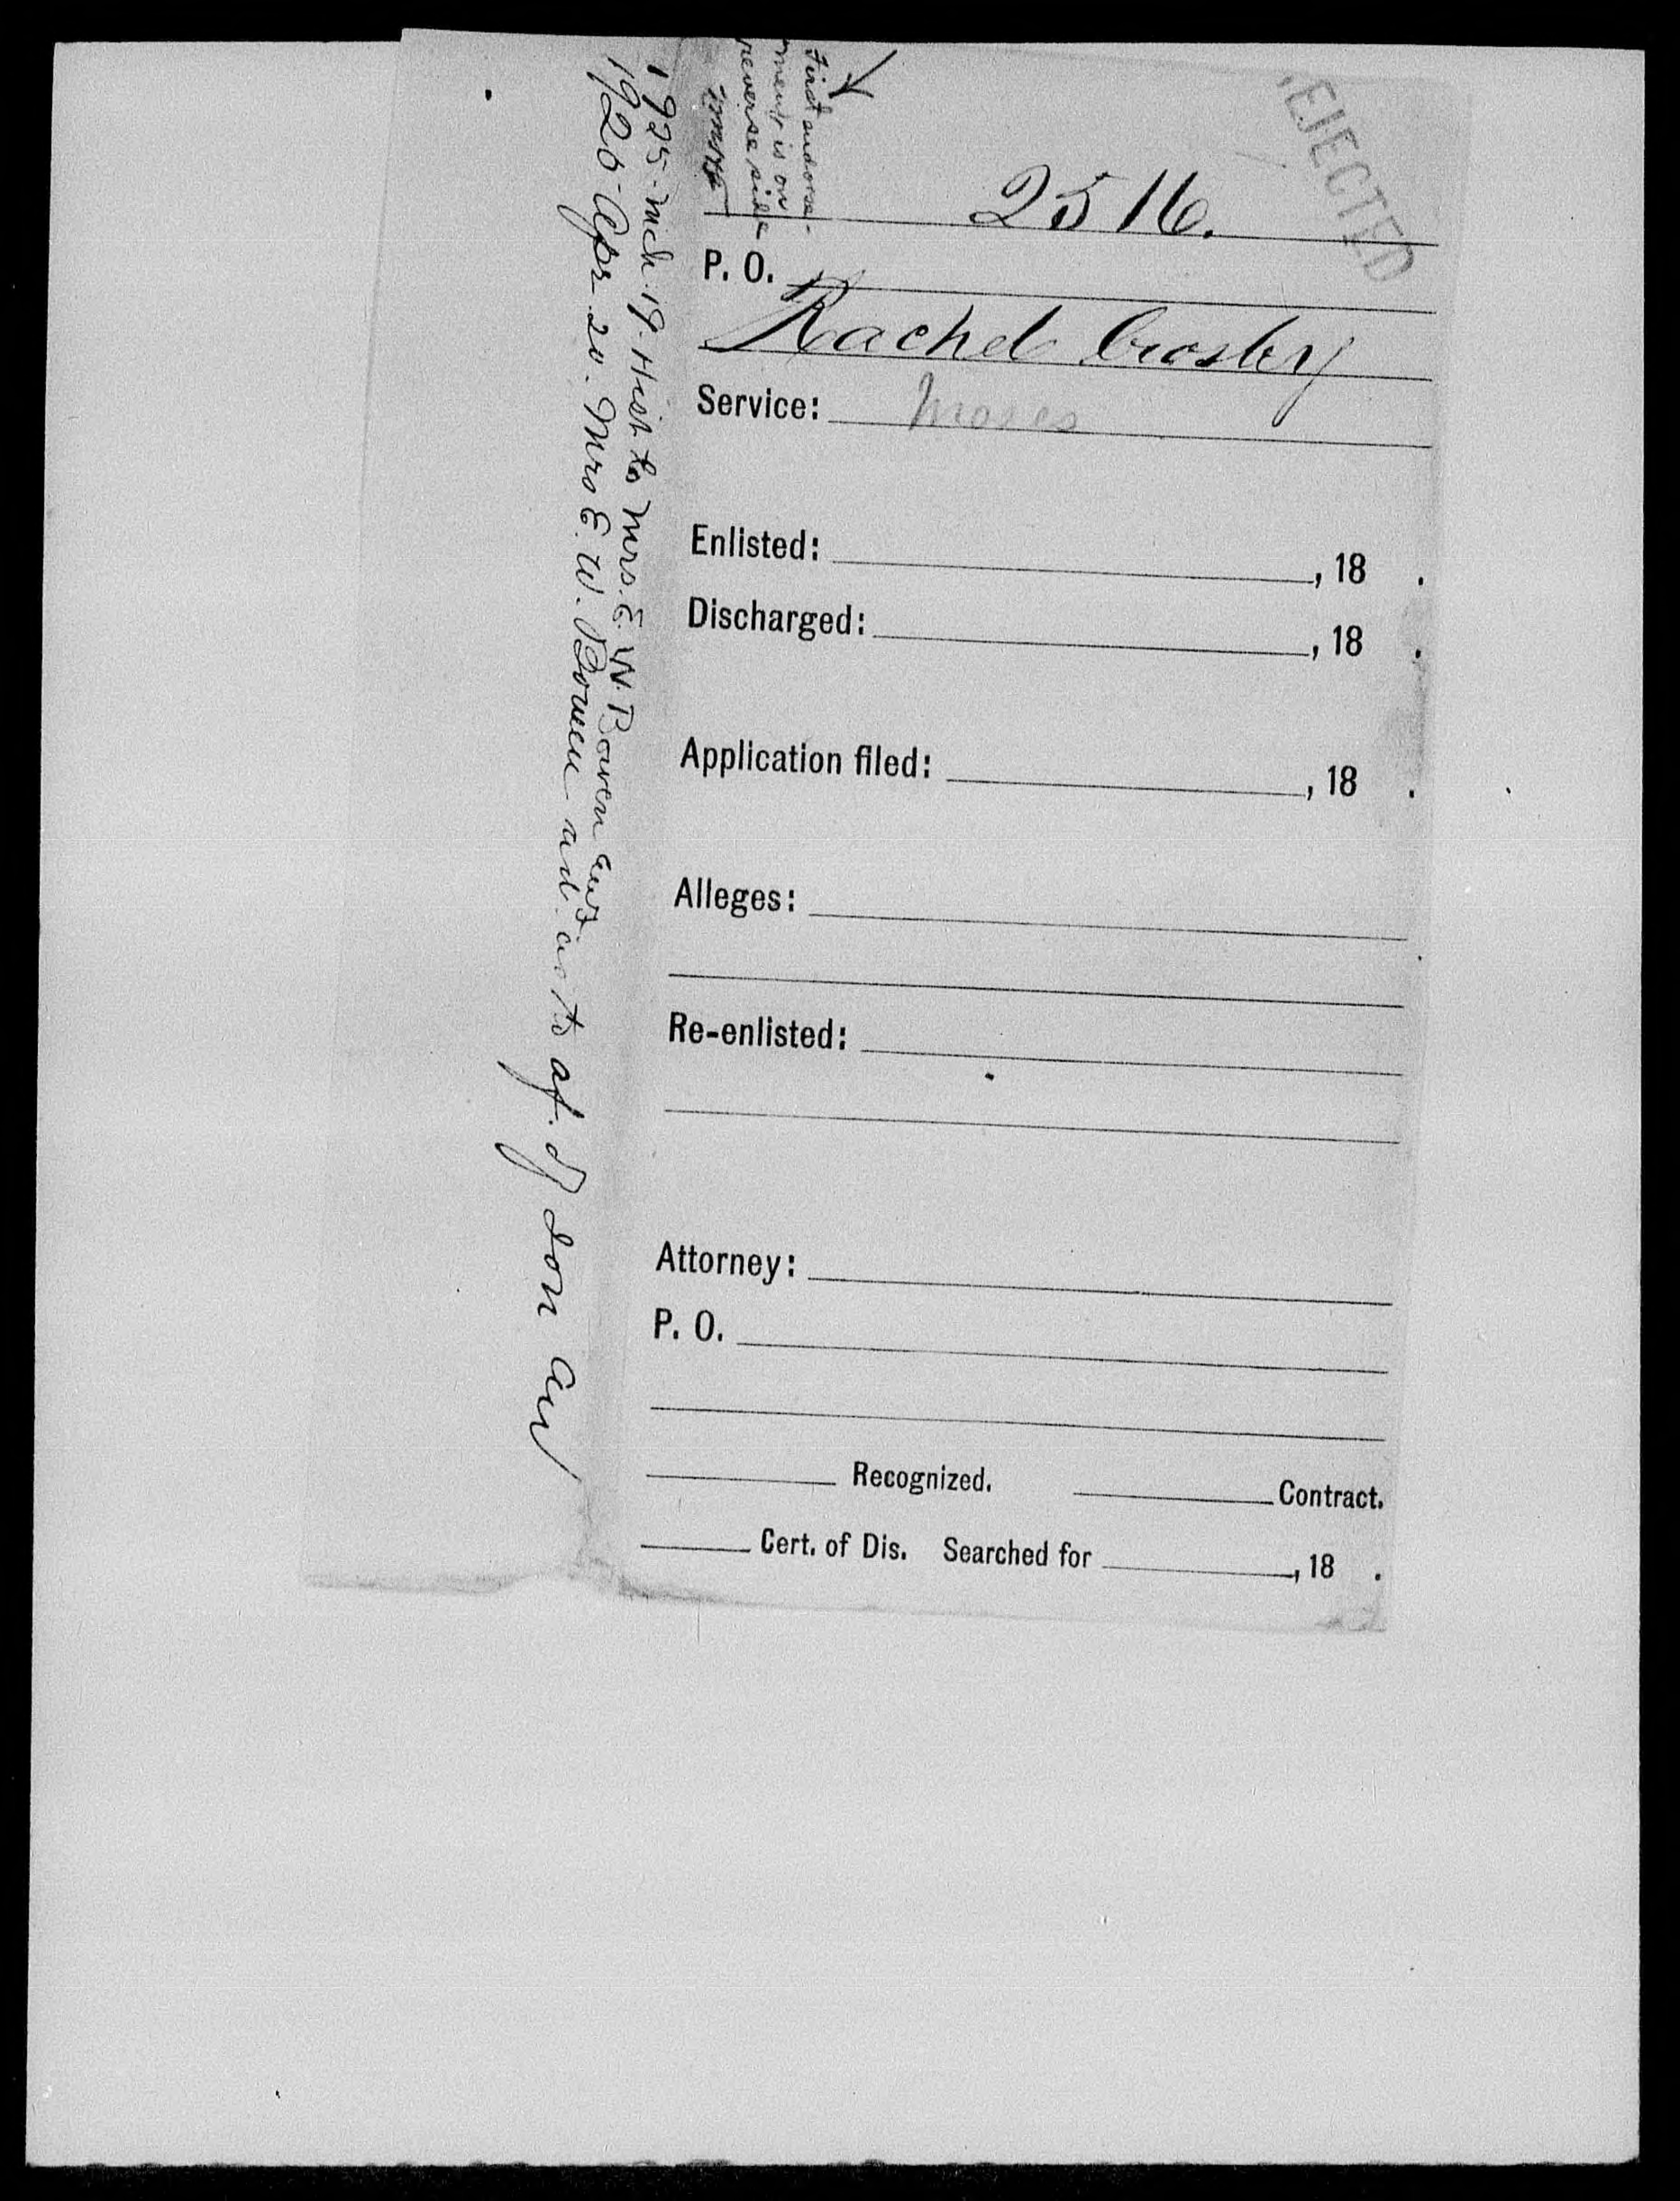2516.
P.O. _____
To
Rachel Crosley
Service: Moses
Enlisted: ______, 18
Discharged:  ______, 18
Application filed:  ______, 18
Alleges: ______, 18 
Re-enlisted:  ______, 18
Attorney:  ______, 18
P. O. ______, 18 
 ______, Recognized. _____ Contract.
______Cert. of Dis. Searched for  ______, 18

REJECTED

(handwritten)
First endorsement
is on 
reverse side
mst5
1925 Mch 19 Hist to Mrs. W. Bowen awf
1926 Apr 20 Mrs. E. W. Bowen  ad - to af. of Jon aw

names: E W Bowen, E W Bowen, Rachel Crosley, Moses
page: 20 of 37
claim: rejected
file: R. 2516, Moses Crosley, Md.